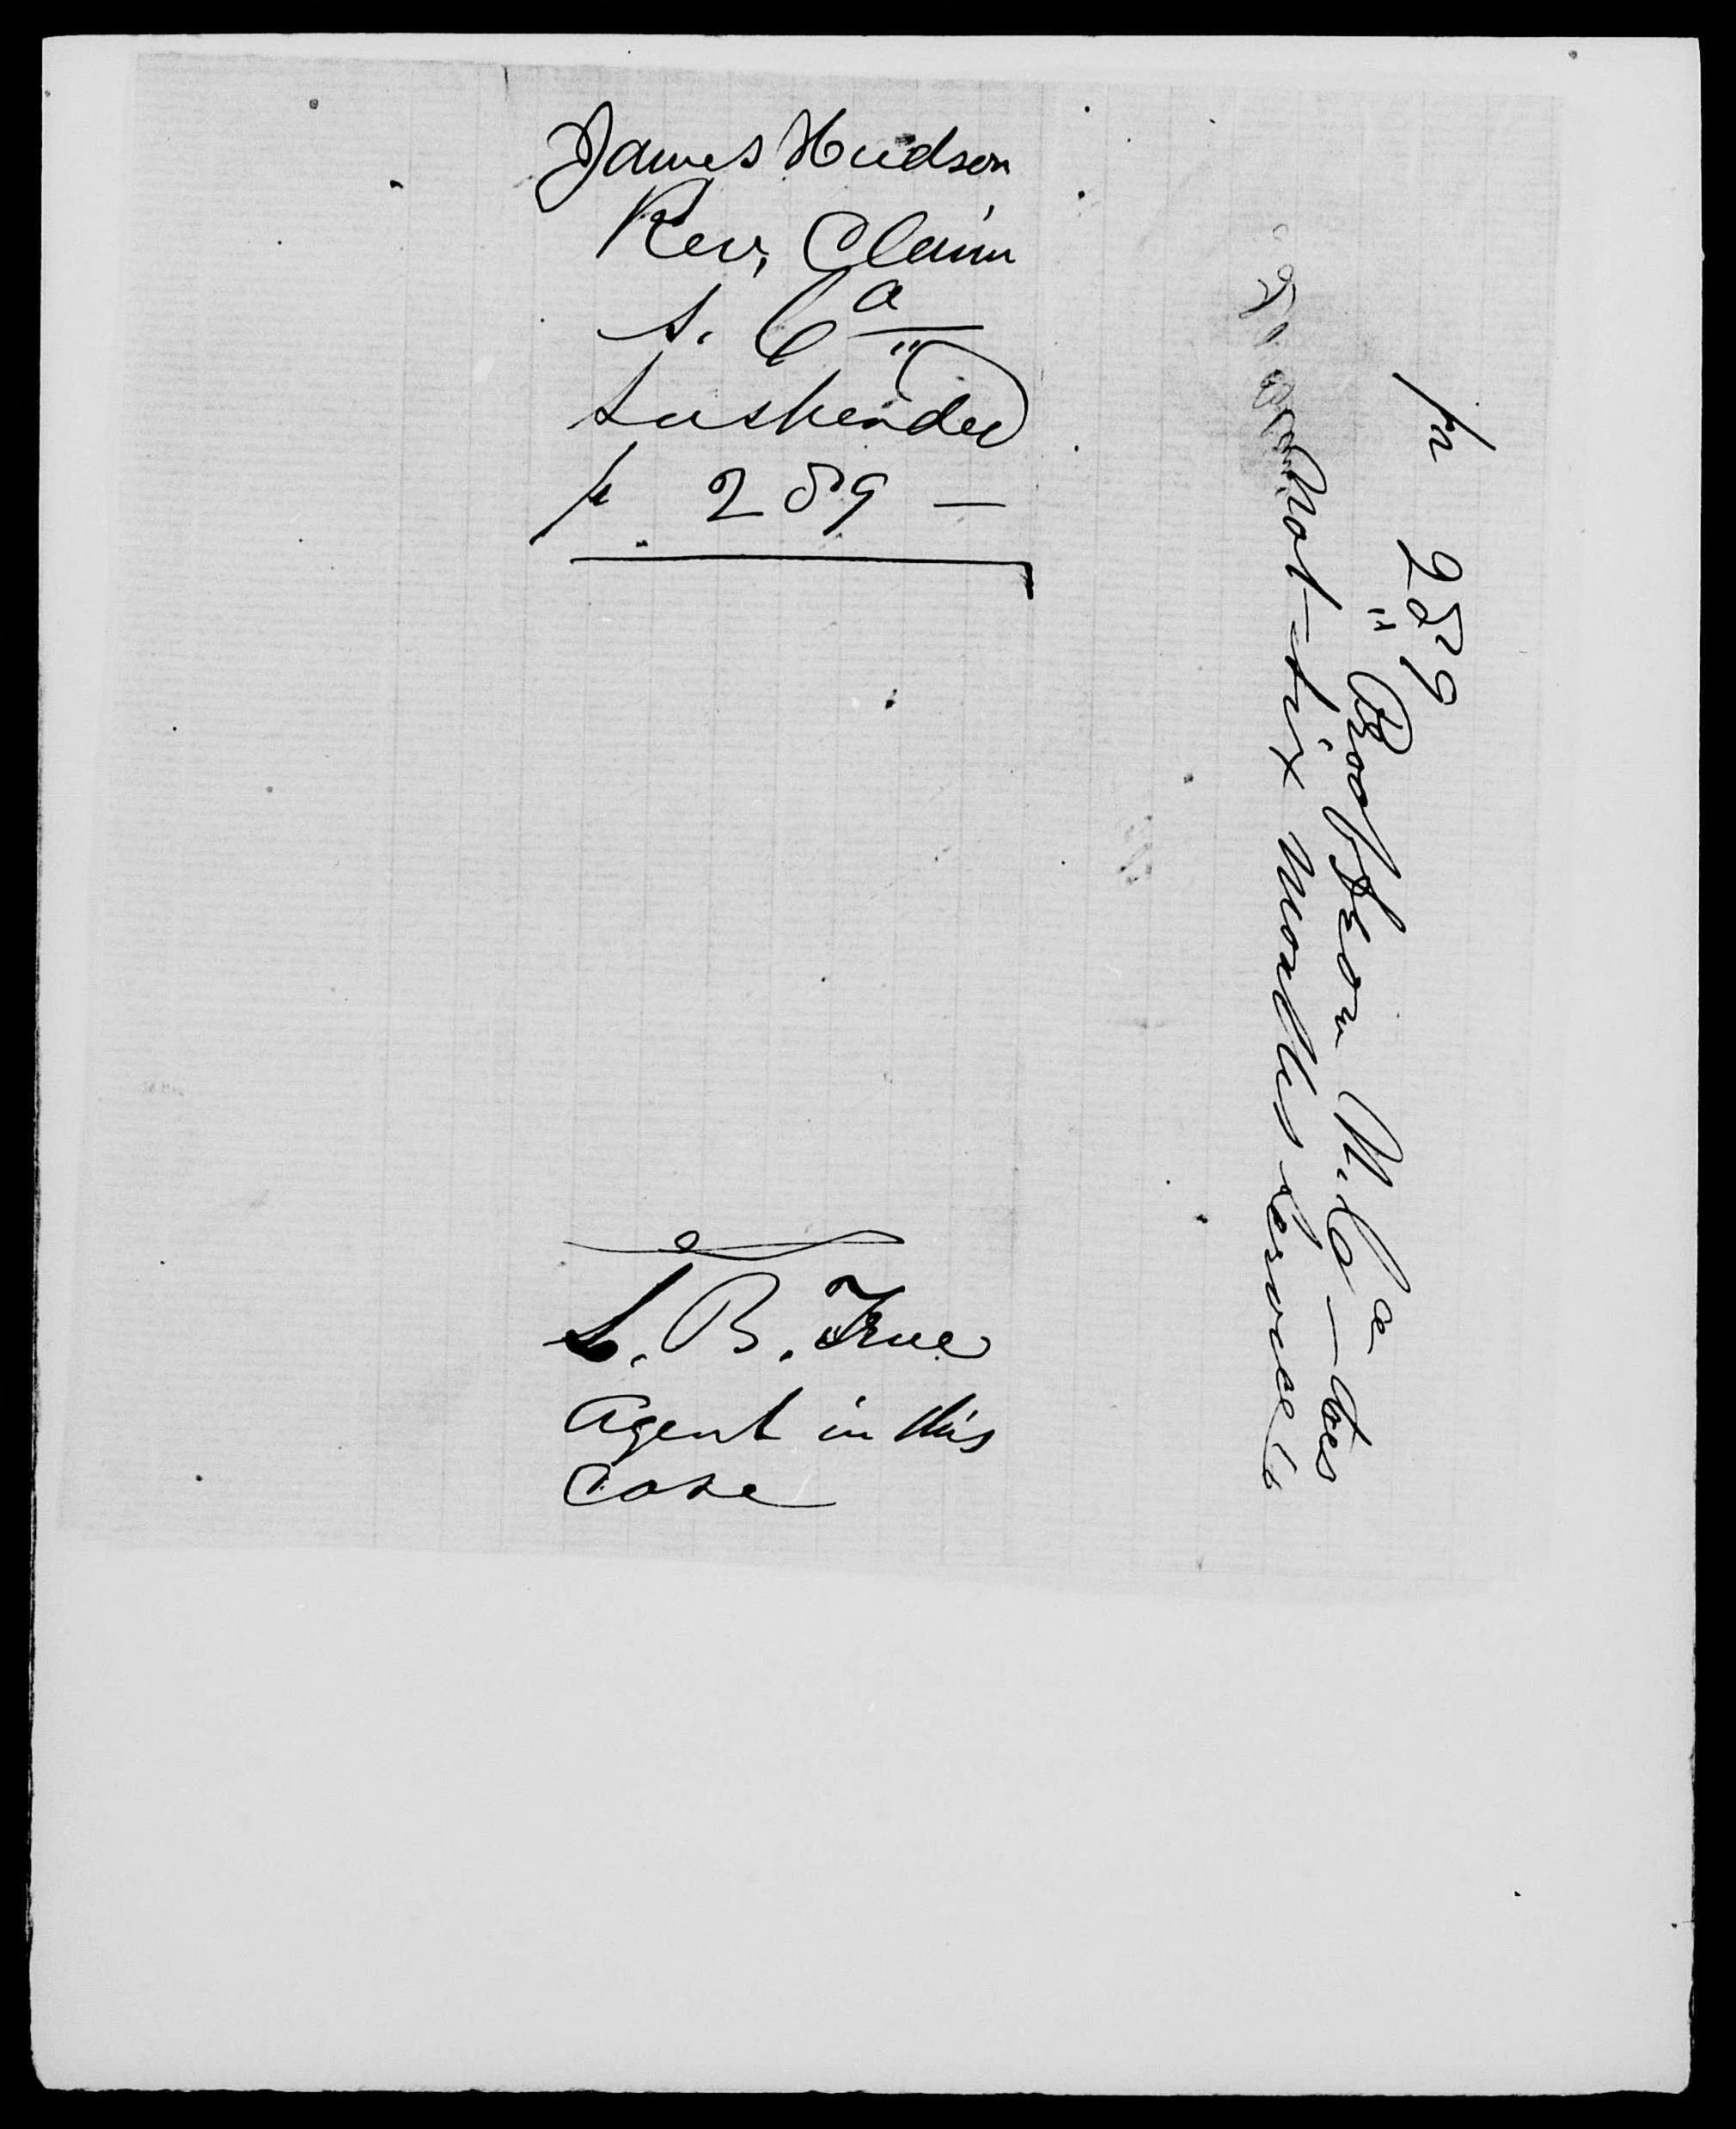James Houtson
Rees Clevier
A. 6a 
Lerskinder
f. 259

L.B. True
Agent in Alias
Core

fn. 259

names: L B True, James Hudson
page: 8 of 33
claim: rejected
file: R. 5334, James Hudson, N.C.